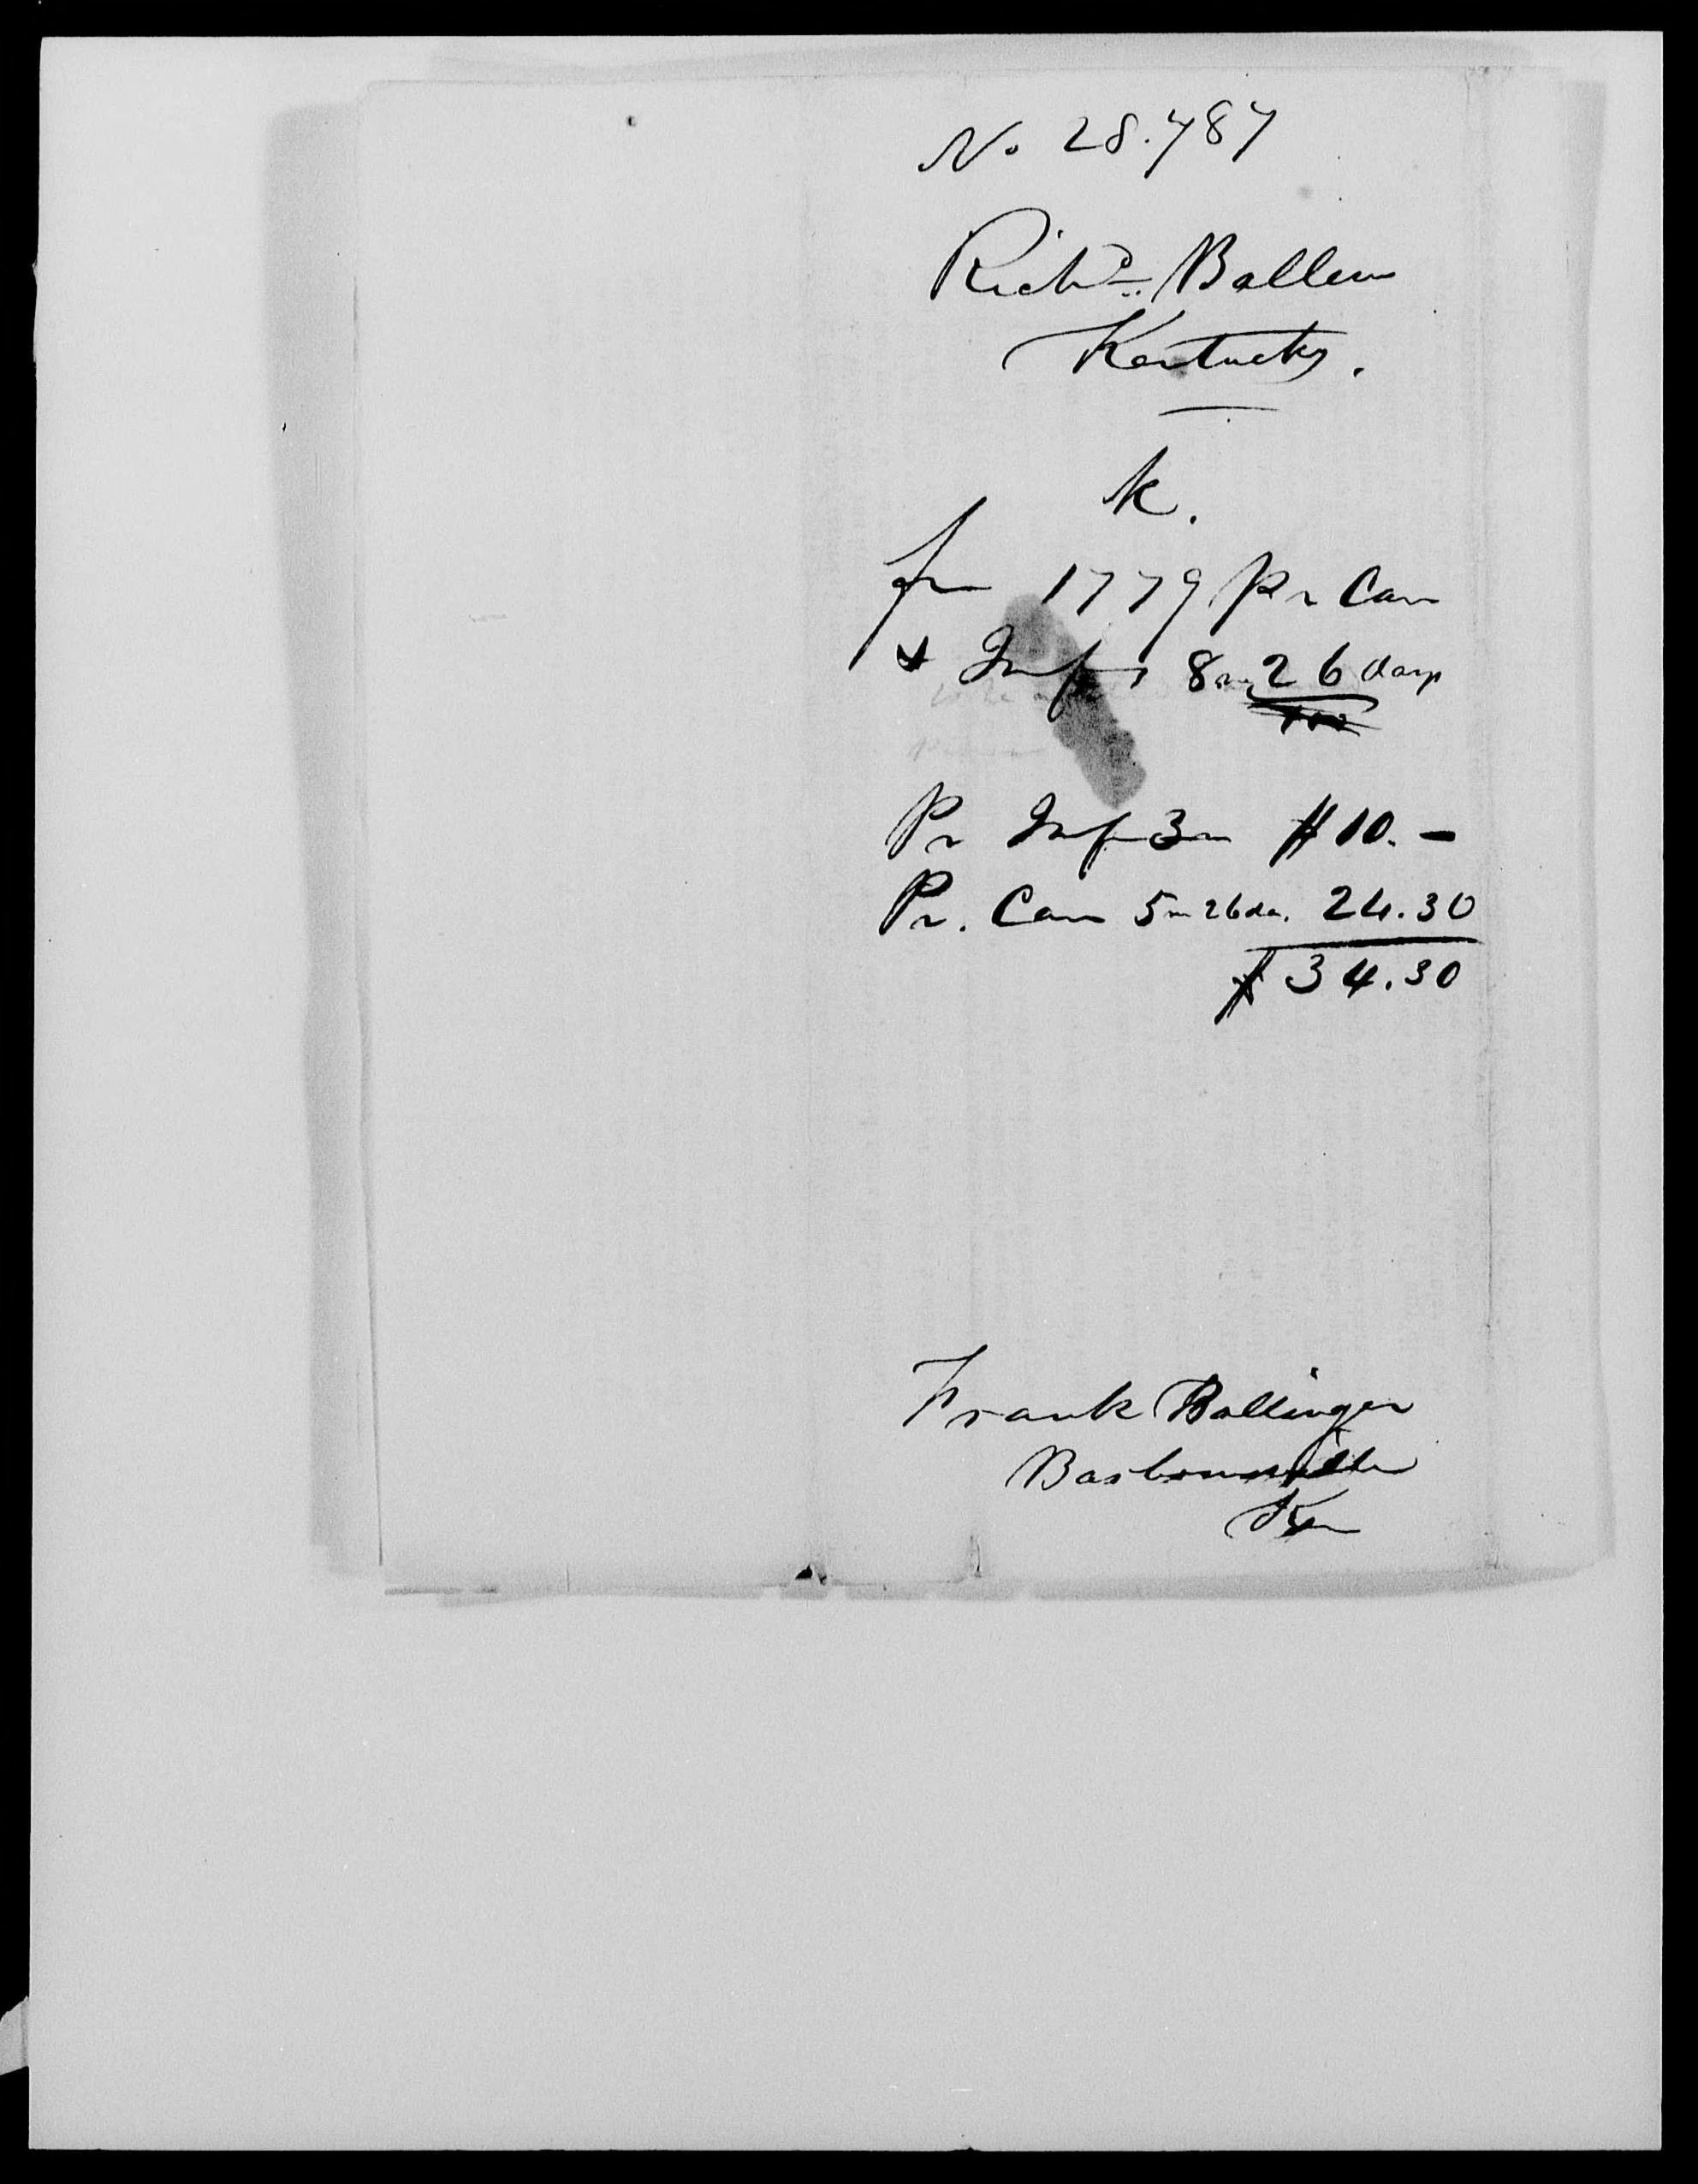No. 28.787
Richard Ballew
Kentucky.

k.
for 1779 pr can
& Inf. 8mo. 26days

Pr Inf 3 mo           $10.
Pr. cav 5- 26 da     24.30
                  Total    $34.30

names: Frank Ballinger, Richd Ballew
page: 13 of 33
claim: survivor's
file: S. 15305, Richard Ballew, N.C.